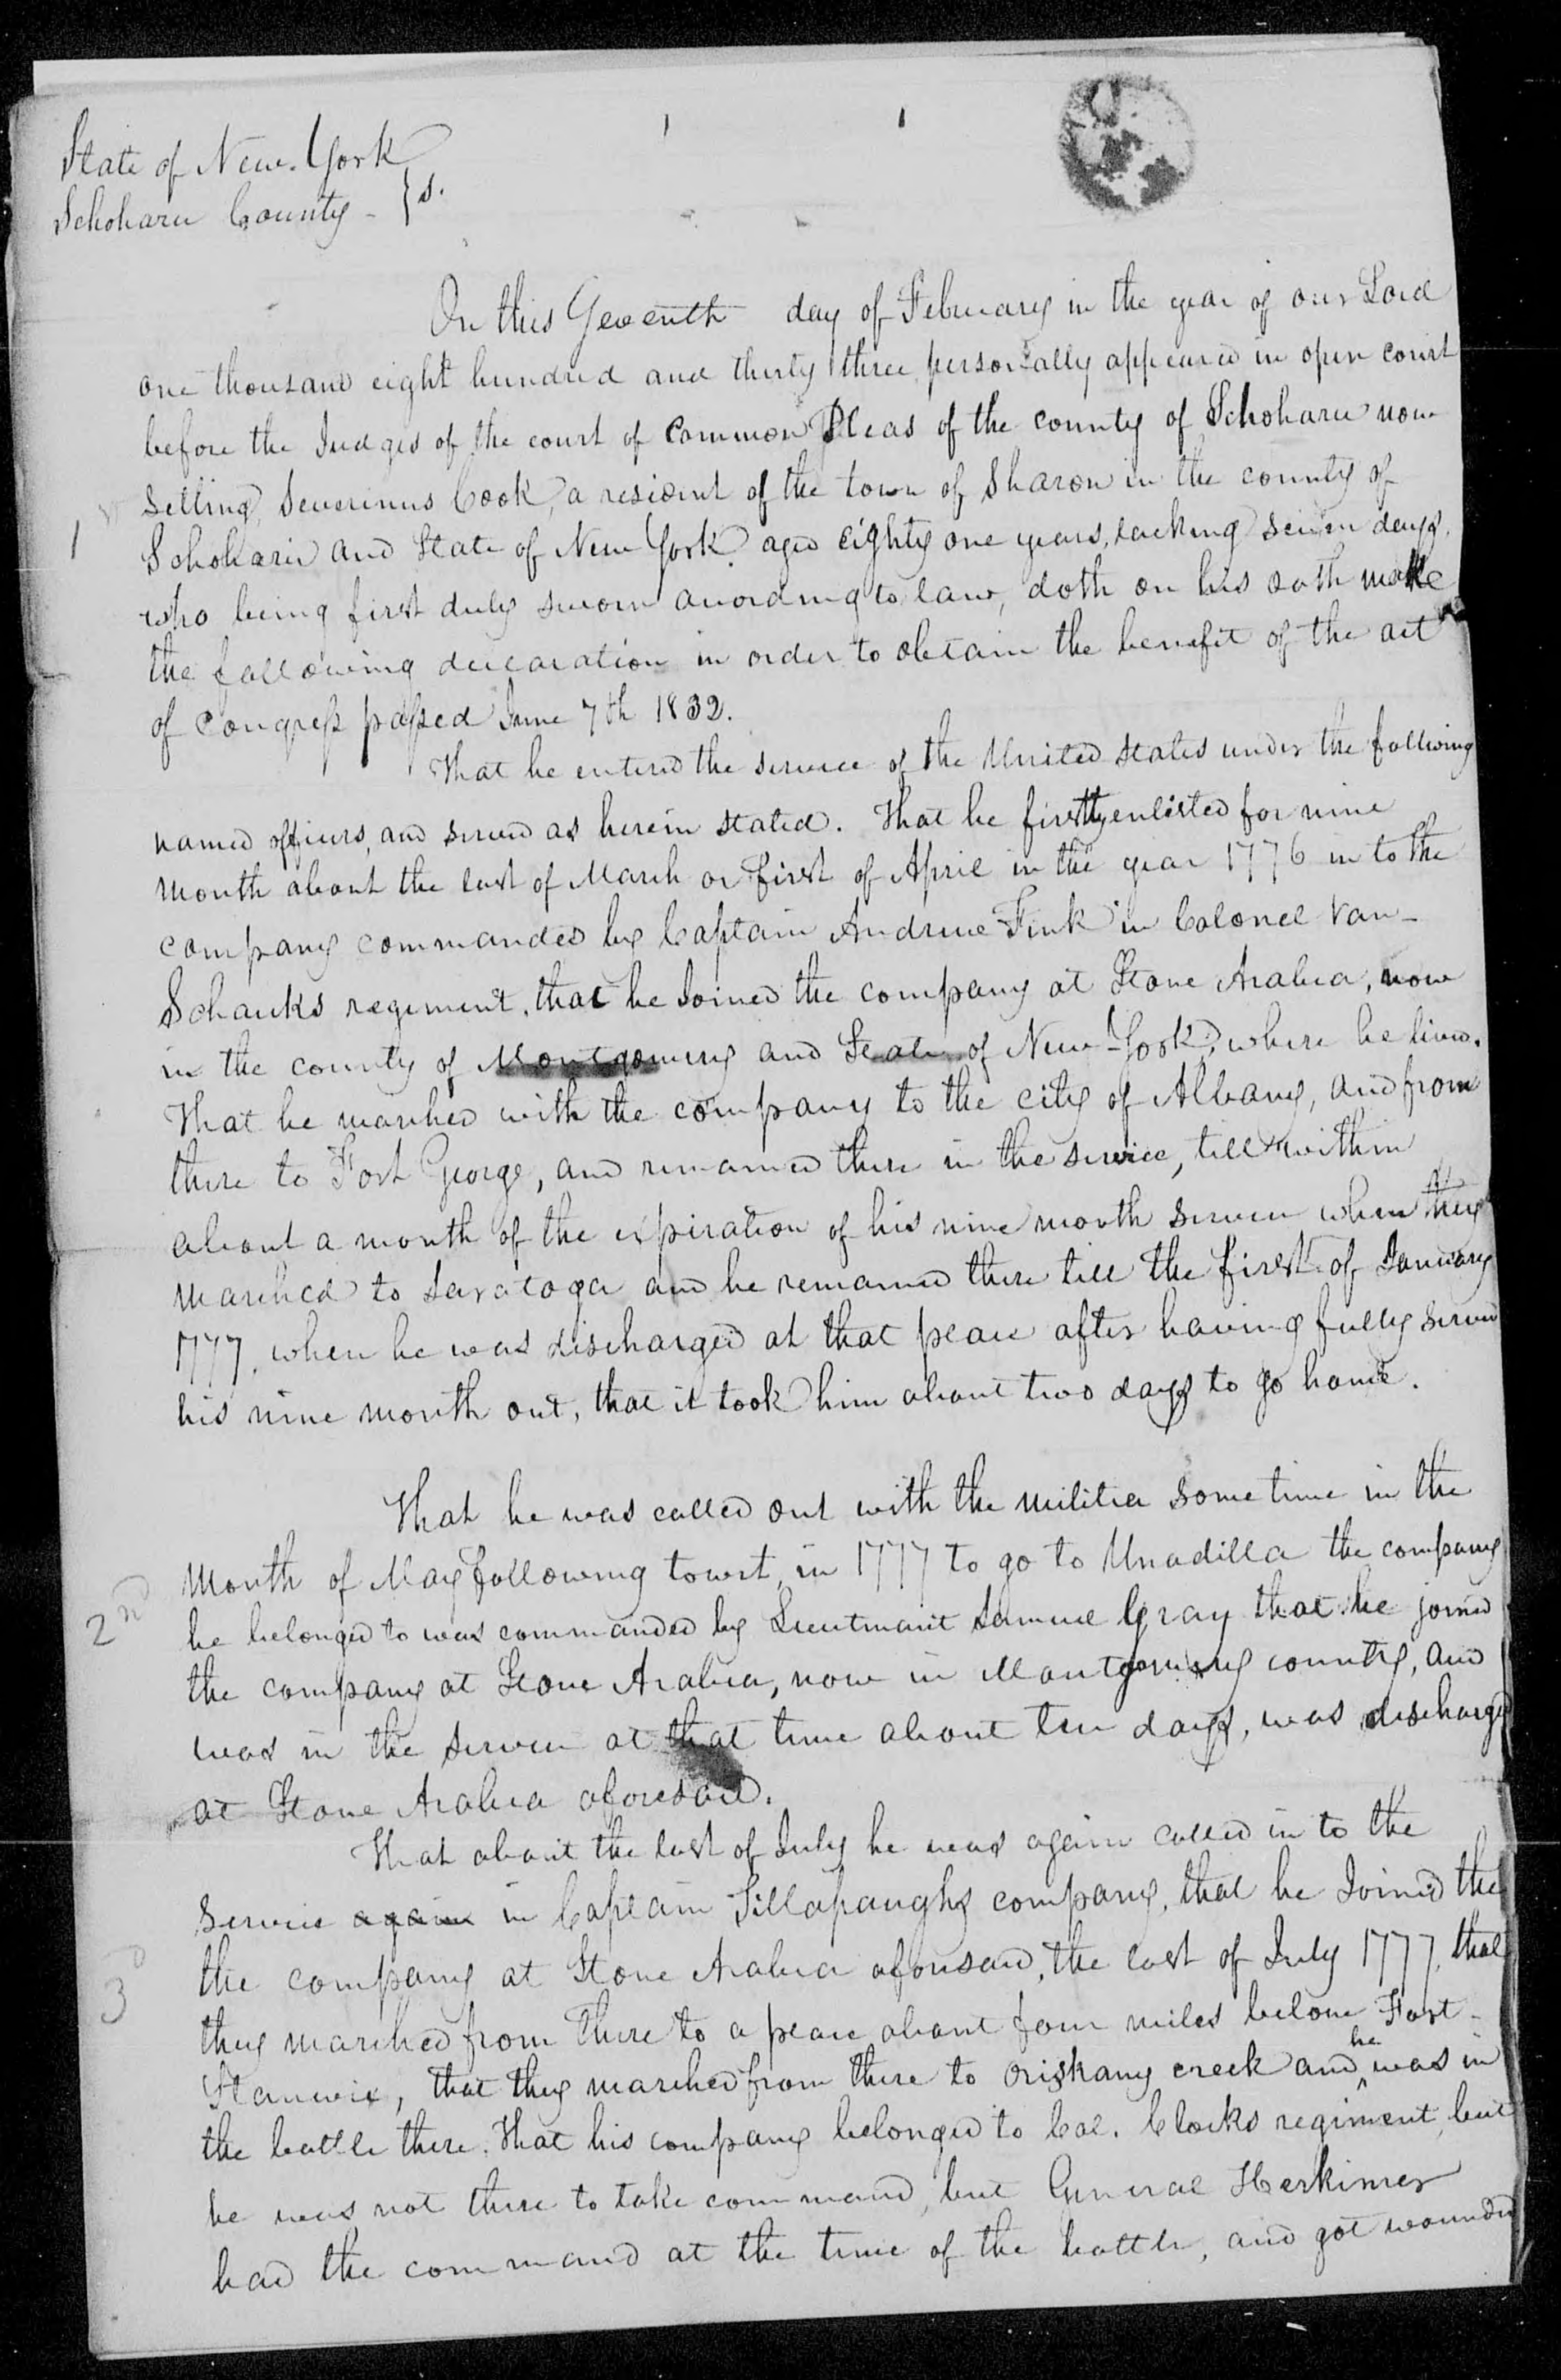State of New York
Schoharie County} s:

On this seventh day of February in the year of our Lord one thousand eight hundred and thirty three personally appeared in open court before the Judges of the court of Common Pleas of the county of Schoharie now setting Severinus Cook, a resident of the town of Sharon in the county of Schoharie and State of New York, aged eighty one years, lacking seven days, who being first duly sworn according to law, doth on his oath make the following declaration in order to obtain the benefit of the Act of Congress passed June 7th 1832. 
That he entered the service of the United States under the following named officers and served as herein stated. That he firstly enlisted for nine month about the last of March or first of April in the year 1776 into the company commanded by Captain Andrew Fink in Colonel Van Schaiks regiment. That he joined the company at Stone Arabia, now in the county of Montgomery and State of New York, where he lived. That he marched with the company to the city of Albany, and from there to Fort George, and remained there in the service, till within about a month of the expiration of his nine month service when they marched to Saratoga and he remained there till the first of January 1777 when he was discharged at that place after having fully served his nine months out, that it took him about two days to go home. 
That he was called out with the militia sometime in the month of May following to wit in 1777 to go to Unadilla the company he belonged to was commanded by Lieutenant Samuel Gray that he joined the company at Stone Arabia, now in Montgomery County and was in the service at that time about ten days, was discharged at Stone Arabia aforesaid. 
That about the last day of duty he was again called in to the service in Captain Tillapaugh's company, that he joined the company at Stone Arabia aforesaid, the last of July 1777, that they marched from there to a place about four miles below Fort Stanwix, that they marched from there to Oriskany Creek and he was in the battle there. That his company belonged to Capt. Clock's regiment but he was not there to take command, but General Herkimer had the command at the time of the battle, and got wounded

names: Severinus Cook, Samuel Gray, Andrew Fink, George, Herkimer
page: 5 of 51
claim: survivor's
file: S. 12563, Severinus Cook, New York